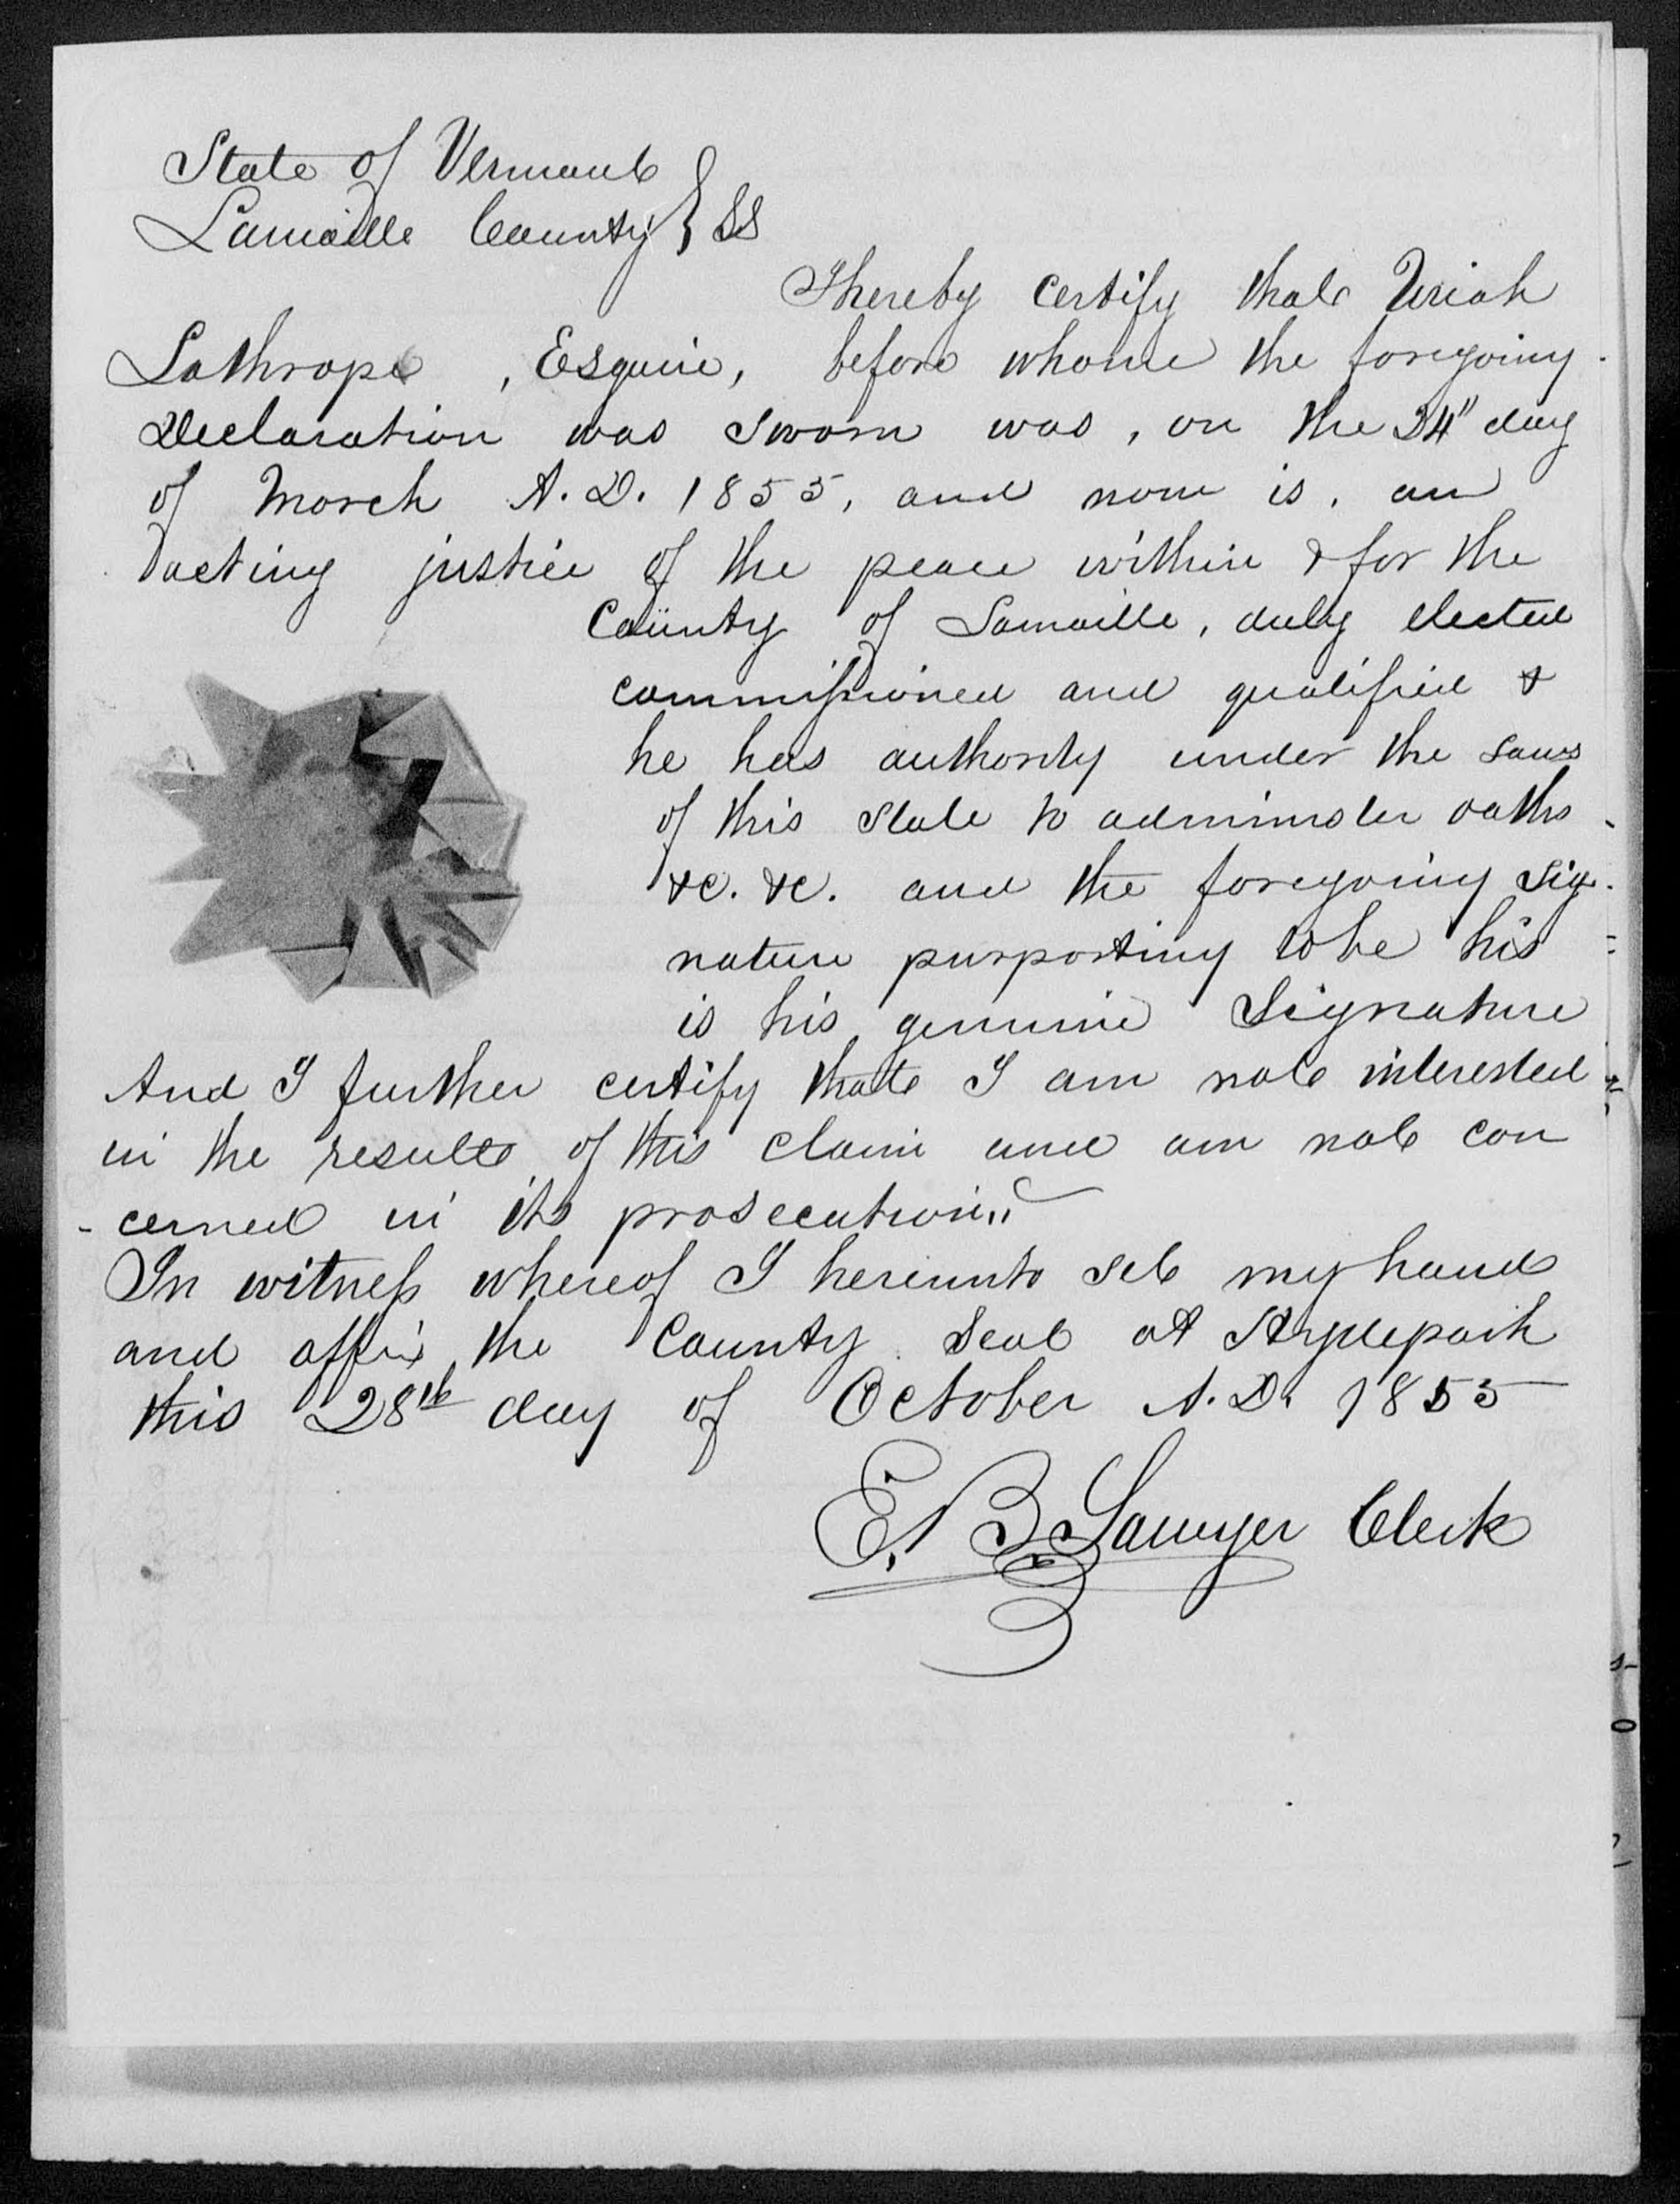State of Vermont
Lamoille County} SS.
Thereby certify that Uriah Lathrop, Esquire, before whom the foregoing Declaration was sworn was, on the 24" day of March A. D. 1855, and now is, an acting justice of the peace within & for the County of Lamoille, duly elected commissioned and qualified & he has authority under the Laws of this State to administer oaths &c. &c. and the foregoing signature purporting to be his is his genuine signature And I further certify that I am not interested in the result of this claim and am not concerned in its prosecution - 
[county seal affixed] In witness whereof I hereunto set my hand and affix the County Seal at Hyde park this 28th day of October A.D. 1855
/s/E.B. Sawyer Clerk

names: E B Sawyer, Uriah Lathrop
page: 15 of 41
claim: widow's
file: W. 15627, Timothy Carpenter, Vt.